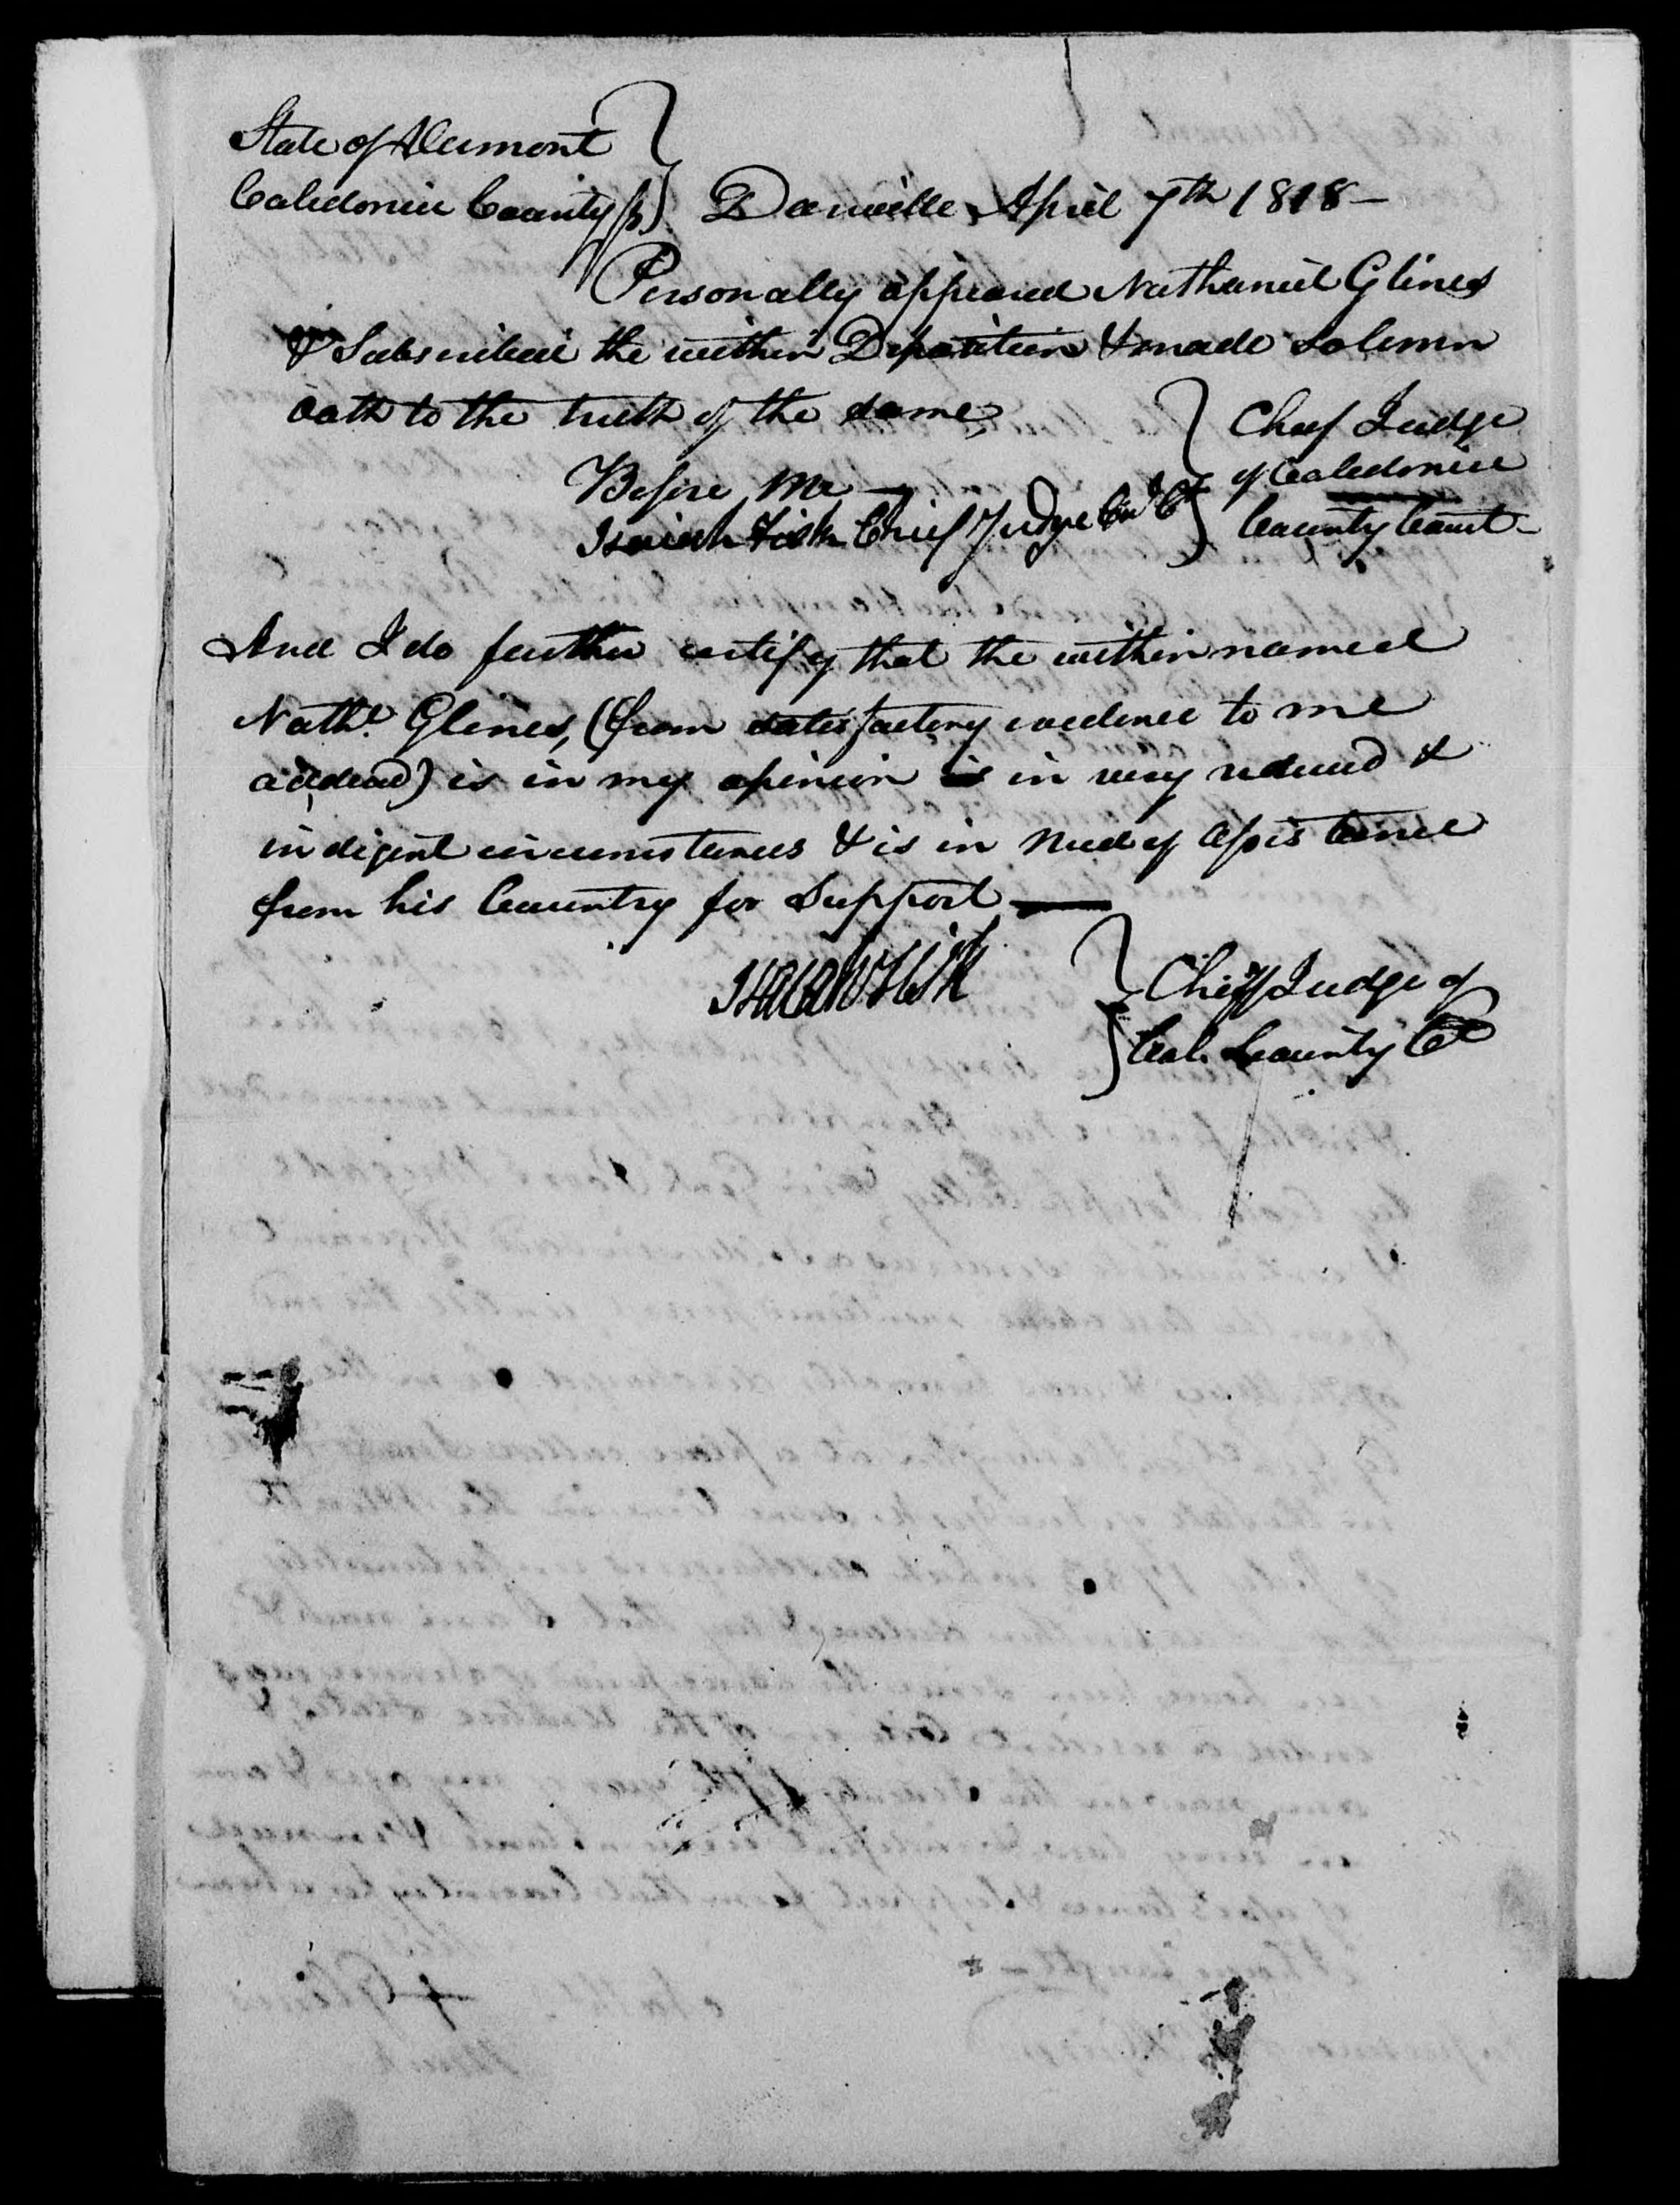State of Vermont
Caledonia County Ss. }
Danville, April 7th 1818 -
Personally appeared Nathaniel Glines
& subscribed the within Deposition & made solemn
oath to the truth of the same
Before me - 
Isaiah Fisk Chief Judge Cir. Ct.
Chief Judge of Caledonia
County Court
And I do further certify that the within named
Nath'l Glines (from satisfactory evidence to me
[illegible]) is in my opinion in very reduced &
indigent circumstances & is in need of assistance
from his Country for support-
Isaiah Fisk
} Chief Judge of
Cal. County Ct.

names: Nathl Glines, Isaiah Fisk, Isaiah Fisk, Nathaniel Glines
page: 7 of 29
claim: widow's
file: W. 24,282, Nathaniel Glines, N.H.